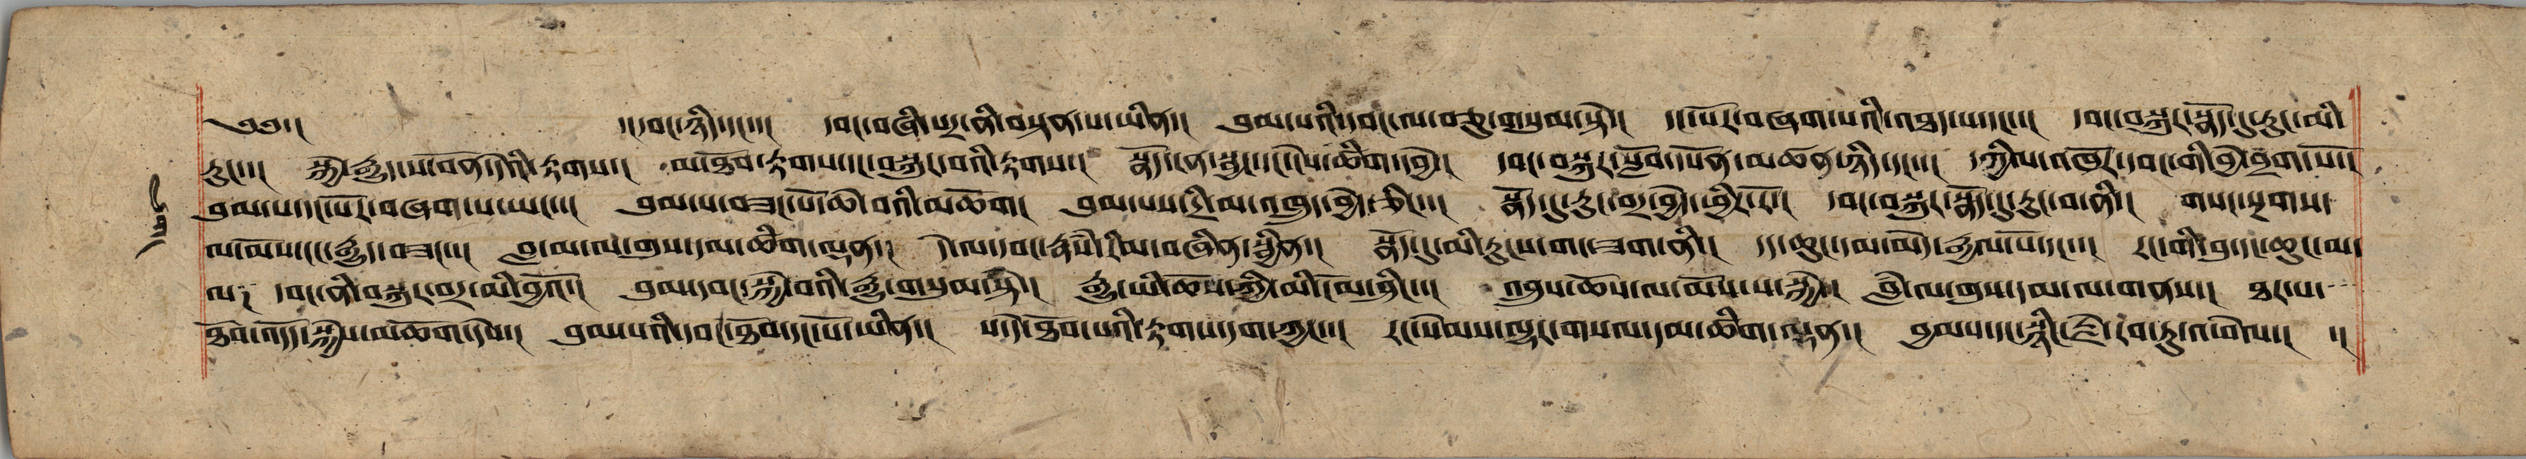༄༅་། ་།དབང་ཉིད་དང་་། དབང་བཞི་པར་ནི་བསྟན་པ་ཡིན་། བུམ་པའི་དབང་ལ་བཅུ་གསུམ་སྟེ་། དང་པོ་བཞག་པའི་འཐད་པ་དང་་། དབང་བསྐུར་སྣོད་དུ་རུང་མི་
རུང་་། སྐྱེ་རྒྱུད་ས་བོན་དེའི་རྟགས་། མ་ཐོབ་རྟགས་དང་བསྐུར་བའི་རྟགས་། སྣོད་ངན་སྦྱང་དང་ངེས་ཚིག་དབྱེ་། དབང་བསྐུར་སློབ་དཔོན་མཚན་ཉིད་དང་་། དཀྱིལ་འཁོར་དབང་གི་བྱེ་བྲག་སོ་།
བུམ་པ་དང་པོར་བཞག་པ་ཡང་་། བུམ་པ་བཟང་པོ་ཆེ་བའི་མཆོག། བུམ་པས་དྲི་མ་འཁྲུད་བྱེད་ཅིང་་། སྣོད་དུ་རུང་བར་བྱེད་ཕྱིར་རོ་། དབང་བསྐུར་སྣོད་དུ་རུང་བ་ནི་། གསང་སྔགས་
ལ་མོས་ངང་རྒྱུད་བཟང་་། བླ་མ་ལ་གུས་དམ་ཚིག་ལྡན་། དེ་ལ་དབང་རྣཾས་རིམ་བཞིན་སྦྱིན་། སྣོད་དུ་མི་རུངས་གང་ཟག་ནི་། དད་ཆུང་དམ་མེད་རྒྱལ་པོ་དང་་། རང་གི་བུ་དང་ཆུང་མ་
ལ༑ དབང་ནི་བསྐུར་བར་མི་བྱའོ་། བུམ་དབང་སྐྱེ་བའི་རྒྱུ་གསུམ་སྟེ་། རྒྱུ་ཡི་ཆོས་ཀྱི་མི་ངོམ་ཤིང་་། འབྲུས་ཆོས་ལ་མོས་པ་སྐྱེ་། བླཾ་ལ་གུས་དམ་ལ་གནས་། ཐར་པ་
ཐོབ་འདོད་སྐྱེས་མཆོག་དེས་། བུམ་པའི་དབང་ཐོབ་དང་པོ་ཡིན་། ས་དེ་ཐོབ་པའི་རྟགས་དག་ཀྱང་་། རང་སེམས་ལྷང་གསལ་དམ་ཚིག་ལྡན་། བྱམས་དང་སྙིང་རྗེ་རབ་ཏུ་འཕེལ་། ་།